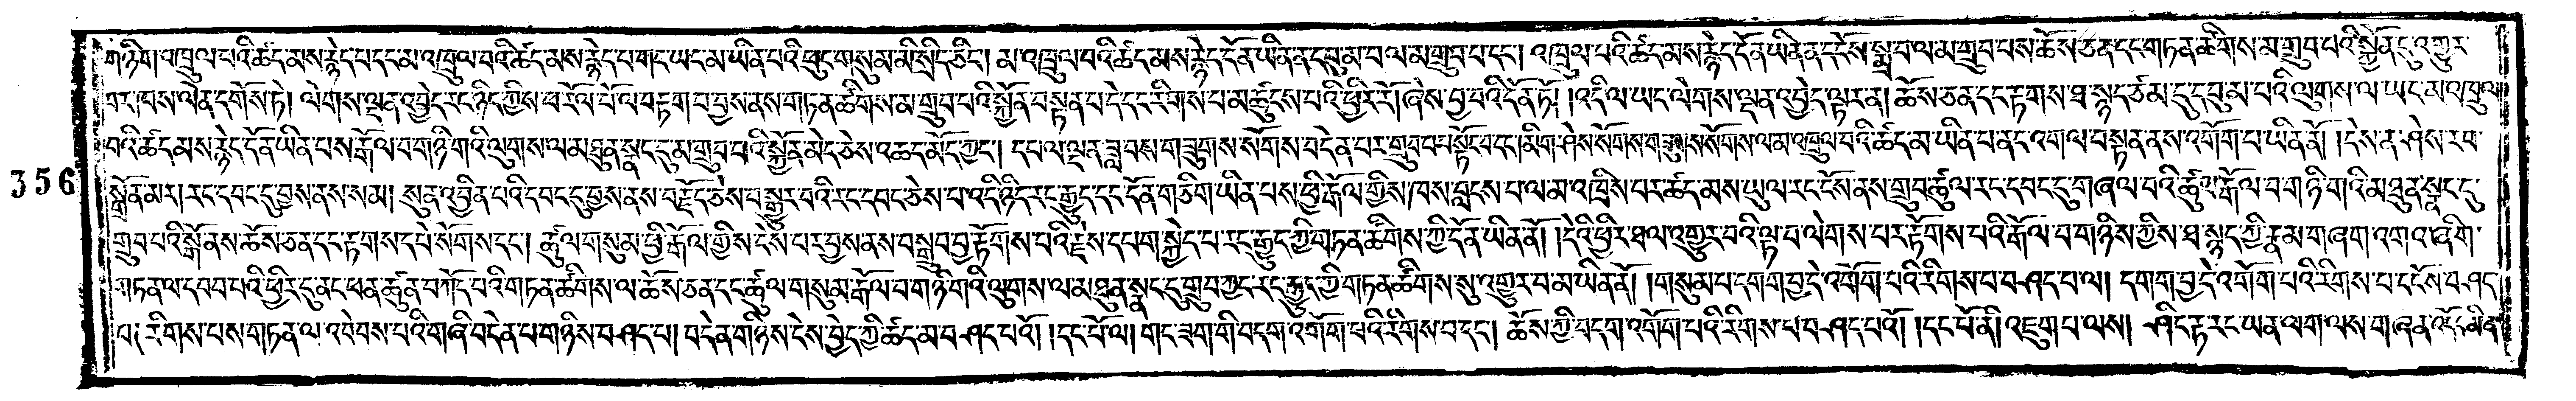གཉི་ག་འཁྲུལ་པའི་ཚད་མས་རྙེད་པ་དང་མ་འཁྲུལ་བའི་ཚད་མས་རྙེད་པ་གང་ཡང་མ་ཡིན་པའི་ཕུང་གསུམ་མི་སྲིད་ཅིང་། མ་འཁྲུལ་བའི་ཚད་མས་རྙེད་དོན་ཡིན་ན་དབུ་མ་པ་ལ་མ་གྲུབ་པ་དང་། འཁྲུལ་པའི་ཚད་མས་རྙེད་དོན་ཡིན་ན་དངོས་སྨྲ་བ་ལ་མ་གྲུབ་པས་ཆོས་ཅན་དང་གཏན་ཚིགས་མ་གྲུབ་པའི་སྐྱོན་དུ་འགྱུར་
པར་ཁས་ལེན་དགོས་ཏེ། ལེགས་ལྡན་འབྱེད་རང་ཉིད་ཀྱིས་ཕ་རོལ་པོ་ལ་བརྟག་བ་བྱས་ནས་གཏན་ཚིགས་མ་གྲུབ་པའི་སྐྱོན་བསྟན་པ་དེ་དང་རིགས་པ་མཚུངས་པའི་ཕྱིར་རོ། ཞེས་བྱ་བའི་དོན་ཏོ། །འདི་ལ་ཡང་ལེགས་ལྡན་འབྱེད་ལྟར་ན། ཆོས་ཅན་དང་རྟགས་ཐ་སྙད་ཙམ་དུ་དབུ་མ་པའི་ལུགས་ལ་ཡང་མ་འཁྲུལ་
བའི་ཚད་མས་རྙེད་དོན་ཡིན་པས་རྒོལ་བ་གཉི་གའི་ལུགས་ལ་མཐུན་སྣང་དུ་མ་གྲུབ་པའི་སྐྱོན་མེད་ཅེས་འཆད་མོད་ཀྱང་། དཔལ་ལྡན་ཟླ་བས་གཟུགས་སོགས་བདེན་པར་གྲུབ་བས་སྟོང་བ་དང་། མིག་ཤེས་སོགས་གཟུགས་སོགས་ལ་མ་འཁྲུལ་བའི་ཚད་མ་ཡིན་པ་ནང་འགལ་བསྟན་ནས་འགོག་པ་ཡིན་ནོ། །དེས་ན་ཤེས་རབ་
སྒྲོན་མར། རང་དབང་དུ་བྱས་ནས་སམ། སུན་འབྱིན་པའི་དབང་དུ་བྱས་ནས་བརྗོད་ཅེས་བསྒྱུར་བའི་རང་དབང་ཅེས་པ་འདི་ཉིད་རང་རྒྱུད་དང་དོན་གཅིག་ཡིན་པས་ཕྱི་རྒོལ་གྱིས་ཁས་བླངས་པ་ལ་མ་འཁྲིས་བར་ཚད་མས་ཡུལ་རང་ངོས་ནས་གྲུབ་ཚུལ་རང་དབང་དུ་གཞལ་བའི་ཚུལ་རྒོལ་བ་གཉི་གའི་མཐུན་སྣང་དུ་
གྲུབ་པའི་སྒོ་ནས་ཆོས་ཅན་དང་རྟགས་དཔེ་སོགས་དང་། ཚུལ་གསུམ་ཕྱི་རྒོལ་གྱིས་ངེས་པར་བྱས་ནས་བསྒྲུབ་བྱ་རྟོགས་པའི་རྗེས་དཔག་སྐྱེད་པ་རང་རྒྱུད་ཀྱི་གཏན་ཚིགས་ཀྱི་དོན་ཡིན་ནོ། །དེའི་ཕྱིར་ཐལ་འགྱུར་བའི་ལྟ་བ་ལེགས་པར་རྟོགས་པའི་རྒོལ་བ་གཉིས་ཀྱིས་ཐ་སྙད་ཀྱི་རྣམ་གཞག་འགའ་ཞིག་
གཏན་ལ་དབབ་པའི་ཕྱིར་དུ་ནང་ཕན་ཚུན་བཀོད་པའི་གཏན་ཚིགས་ལ་ཆོས་ཅན་དང་ཚུལ་གསུམ་རྒོལ་བ་གཉི་གའི་ལུགས་ལ་མཐུན་སྣང་དུ་གྲུབ་ཀྱང་རང་རྒྱུད་ཀྱི་གཏན་ཚིགས་སུ་འགྱུར་བ་མ་ཡིན་ནོ། །གསུམ་པ་དགག་བྱ་དེ་འགོག་པའི་རིགས་བ་བཤད་པ་ལ། དགག་བྱ་དེ་འགོག་པའི་རིགས་པ་དངོས་བཤད་
བ༑ རིགས་པས་གཏན་ལ་འབེབས་པའི་གཞི་བདེན་པ་གཉིས་བཤད་པ། བདེན་གཉིས་ངེས་བྱེད་ཀྱི་ཚད་མ་བཤད་པའོ། །དང་པོ་ལ། གང་ཟག་གི་བདག་འགོག་པའི་རིགས་པ་དང་། ཆོས་ཀྱི་བདག་འགོག་པའི་རིགས་པ་བཤད་པའོ། །དང་པོ་ནི། འཇུག་པ་ལས། ཤིང་རྟ་རང་ཡན་ལག་ལས་གཞན་འདོད་མིན་